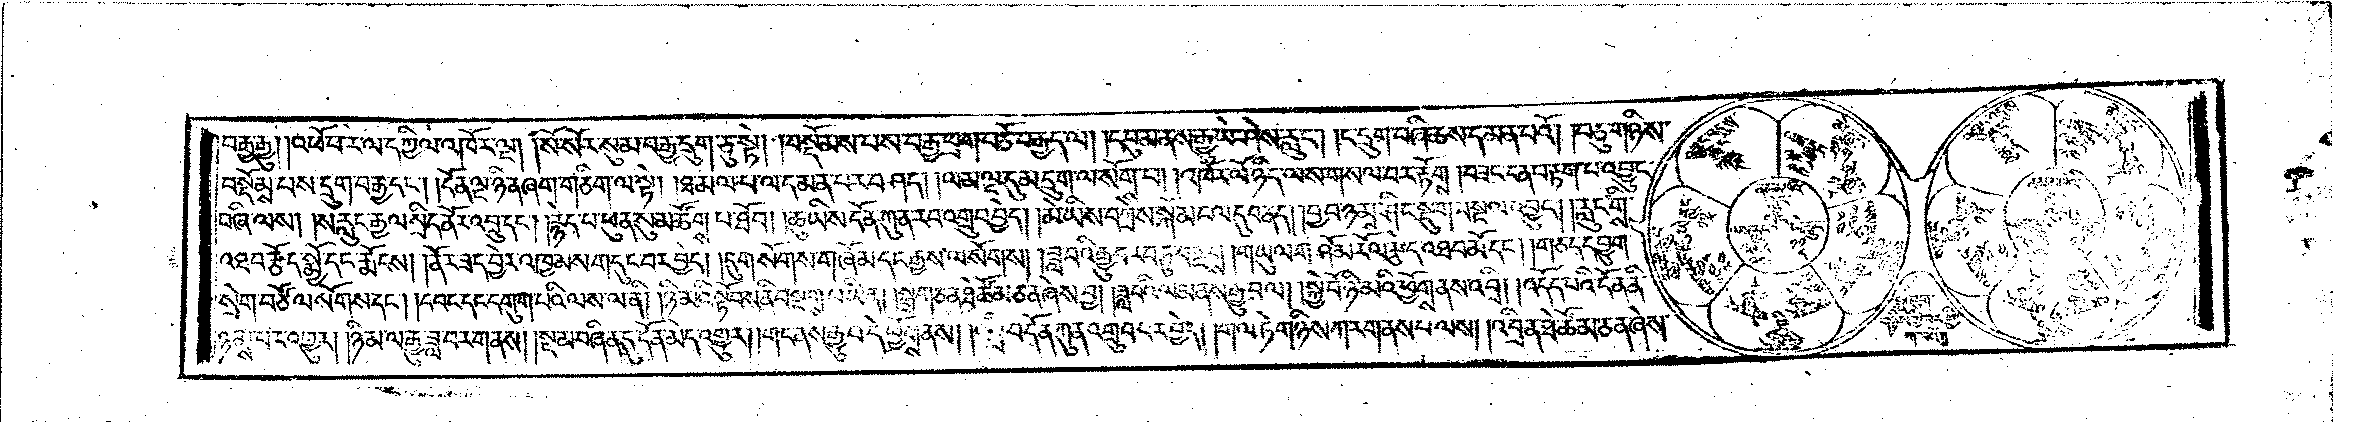བརྒྱ་རྒྱུ། །འཕོ་བ་རེ་ལ་དཀྱིལ་འཁོར་ལྔ། །སོ་སོར་སུམ་བརྒྱ་དྲུག་ཅུ་སྟེ། །བསྡོམས་པས་བརྒྱ་ཕྲག་བཅོ་བརྒྱད་ལ། །དབུ་མ་ནས་རྒྱུ་ཡེ་ཤེས་རླུང་། །ང་དྲུག་བཞི་ཆ་དམན་པའོ། །བཅུ་གཉིས་
བསྡོམས་པས་དྲུག་བརྒྱ་དང་། །དོན་ལྔ་ཉིན་ཞག་གཅིག་ལ་སྟེ། །ཐ་མལ་པ་ལ་དམན་པར་བཤད། །ལམ་ལྔ་དུམ་དྲུག་ལ་སོགས་པ། །འཁོར་ལོ་ཉིད་ལས་གསལ་བར་རྟོགས་།བཟང་ངན་བརྟག་པ་འབྱུང་
བཞི་ལས། །ས་རླུང་རྒྱལ་སྲིད་ནོར་འབྲུ་དང་། །རྙེད་པ་ཕུན་སུམ་ཚོགས་པ་ཐོབ། །ཆུ་ཡིས་དོན་ཀུན་རབ་འགྲུབ་བྱེད། །མེ་ཡིས་དཀྲེས་སྐོམ་ངལ་དུ་བྣད། །བྱ་བ་ཉམས་ཤིང་སྡུག་བསྔལ་འབྱུང་། །རླུང་གིས་
འཐབ་རྩོད་སྨྱོ་དང་རྨོངས། །ནོར་ཟད་བྱེར་འཁྱམས་གདུང་བར་བྱེད། །དུག་སོགས་གཞོམ་དང་རྒྱས་ལ་སོགས། །ཟླ་བའི་རྒྱུ་བ་རབ་ཏུ་བསྔགས། །གཡུལ་གཤོམ་རོལ་རྩེད་འཐབ་མོ་དང་། །གཅད་དབྱུག་
སྲེག་བཙོ་ལ་སོགས་དང་། །དབང་དང་དགུག་པའི་ལས་ལ་ནི། །ཉི་མའི་སྟོབས་ནི་བསྔགས་པ་ཡིན། །སྒྲ་གཅན་ཐེ་ཚོམ་ཅན་ཞེས་བྱ། །ཟླ་བའི་ལམ་ནས་རྒྱུ་བ་ལ། །སྐྱེ་བོ་ཉི་མའི་ཕྱོགས་ནས་འབྲི། །འདོད་པའི་དོན་ནི་
ཉམས་པར་འགྱུར། །ཉི་མ་ལ་རྒྱུ་ཟླ་བར་གནས། །སྡམ་བཞིན་དུ་དོན་མེད་འགྱུར། །གང་ནས་རྒྱུ་བ་དེ་ཕྱོགས་ནས། །འབྲི་བ་དོན་ཀུན་འགྲུབ་པར་བྱེད། །གལ་ཏེ་གཉིས་ཀར་གནས་པ་ལས། །འབྲིན་ཐེ་ཚོམ་ཅན་ཞེས་